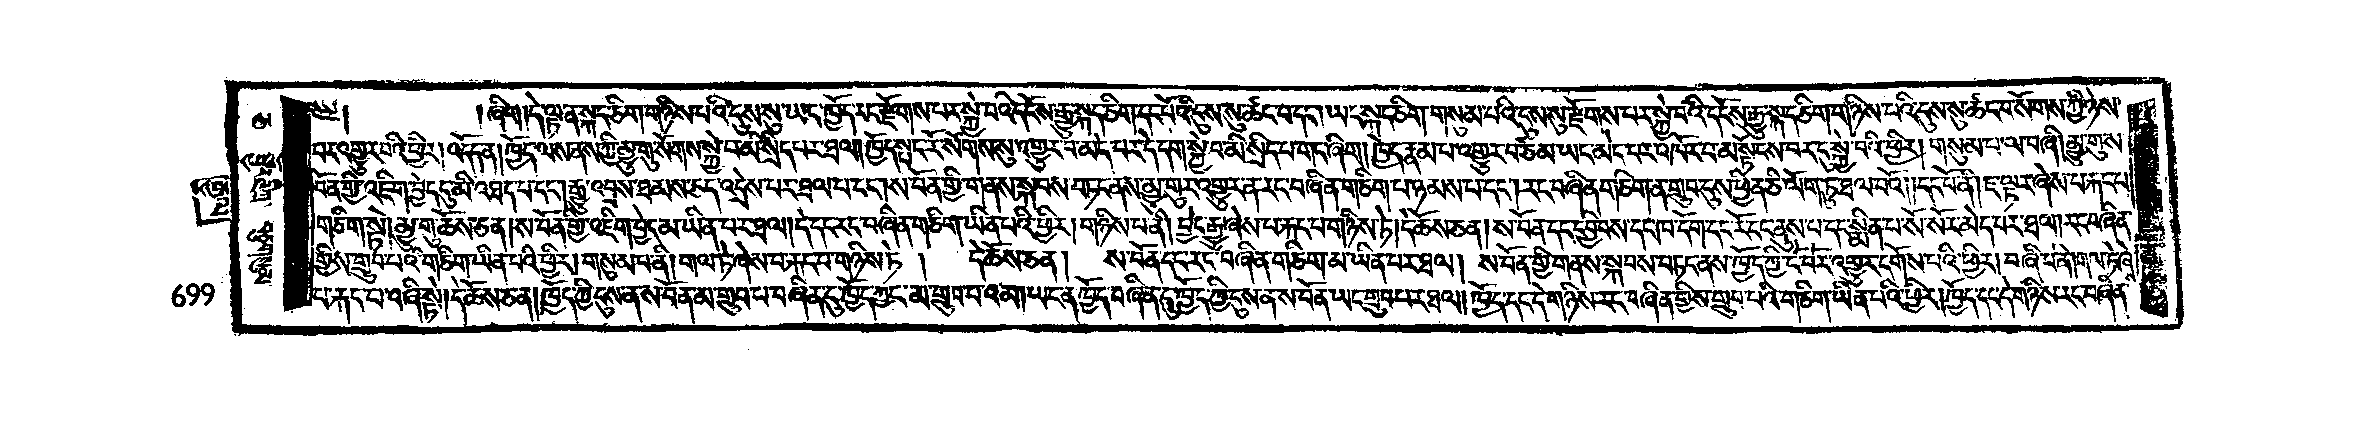༄༅། །ཞིག །དེ་ལྟ་ན་སྐད་ཅིག་གཉིས་པའི་དུས་སུ་ཡང་ཁྱོད་རང་རྫོགས་པར་སྐྱེ་བའི་དངོས་རྒྱུ་སྐད་ཅིག་དང་པོའི་དུས་སུ་ཚང་བ་དང་། ཡང་སྐད་ཅིག་གསུམ་པའི་དུས་སུ་རྫོགས་པར་སྐྱེ་བའི་དངོས་རྒྱུ་སྐད་ཅིག་གཉིས་པའི་དུས་སུ་ཚང་བ་སོགས་ཀྱི་ཉེས་
བར་འགྱུར་བའི་ཕྱིར། འདོད་ན། ཁྱོད་ལས་ནས་ཀྱི་མྱུ་གུ་སོགས་སྐྱེ་བ་མི་སྲིད་པར་ཐལ། ཁྱོད་སྤང་རོ་སོགས་སུ་འགྱུར་བ་མེད་པར་དེ་དག་སྐྱེ་བ་མི་སྲིད་པ་གང་ཞིག །ཁྱེད་རྣམ་པ་འགྱུར་བ་ཙམ་ཡང་མེད་པར་འཁོར་བ་མ་སྟོངས་བར་དུ་སྐྱེ་བའི་ཕྱིར། གསུམ་པ་ལ་བཞི། མྱུ་གུས་
བོན་གྱི་འཇིག་བྱེད་དུ་མི་འཐད་པ་དང་། རྒྱུ་འབྲས་ཐམས་ཅད་འདྲེས་པར་ཐལ་བ་དང་། ས་བོན་གྱི་གནས་སྐབས་བཏང་ནས་མྱུ་གུར་འགྱུར་ན་རང་བཞིན་གཅིག་པ་ཉམས་པ་དང་། རང་བཞིན་གཅིག་ན་གྲུབ་དུས་ཕྱིན་ཅི་ལོག་ཏུ་ཐལ་བའོ། །དང་པོ་ནི། ཇི་ལྟར་ཞེས་པ་རྐང་པ་
གཅིག་སྟེ། མྱུ་གུ་ཆོས་ཅན། ས་བོན་གྱི་འཇིག་བྱེད་མ་ཡིན་པར་ཐལ། དེ་དང་རང་བཞིན་གཅིག་ཡིན་པའི་ཕྱིར། གཉིས་པ་ནི། བྱེད་རྒྱུ་ཞེས་པ་རྐང་པ་གཉིས་ཏེ། དེ་ཆོས་ཅན། ས་བོན་དང་དབྱིབས་དང་ཁ་དོག་དང་རོ་དང་ནུས་པ་དང་སྨིན་པ་སོ་སོར་མེད་པར་ཐལ། རང་བཞིན་
གྱིས་གྲུབ་པའི་གཅིག་ཡིན་པའི་ཕྱིར། གསུམ་པ་ནི། གལ་ཏེ་ཞེས་པ་རྐང་པ་གཉིས་ཏེ། དེ་ཆོས་ཅན། ས་བོན་དང་རང་བཞིན་གཅིག་མ་ཡིན་པར་ཐལ། ས་བོན་གྱི་གནས་སྐབས་བཏང་ནས་ཁྱོད་ཀྱི་ངོ་བོར་འགྱུར་དགོས་པའི་ཕྱིར། བཞི་པ་ནི། གལ་ཏེ་ཞེས་
པ་རྐང་པ་བཞི་སྟེ། དེ་ཆོས་ཅན། ཁྱོད་ཀྱི་དུས་ན་ས་བོན་མ་གྲུབ་པ་བཞིན་དུ་ཁྱོད་ཀྱང་མ་གྲུབ་པ་འམ། ཡང་ན་ཁྱོད་བཞིན་དུ་ཁྱོད་ཀྱི་དུས་ན་ས་བོན་ཡང་གྲུབ་པར་ཐལ། ཁྱོད་དང་དེ་གཉིས་རང་བཞིན་གྱིས་གྲུབ་པའི་གཅིག་ཡིན་པའི་ཕྱིར། ཁྱོད་དང་དེ་གཉིས་རང་བཞིན་